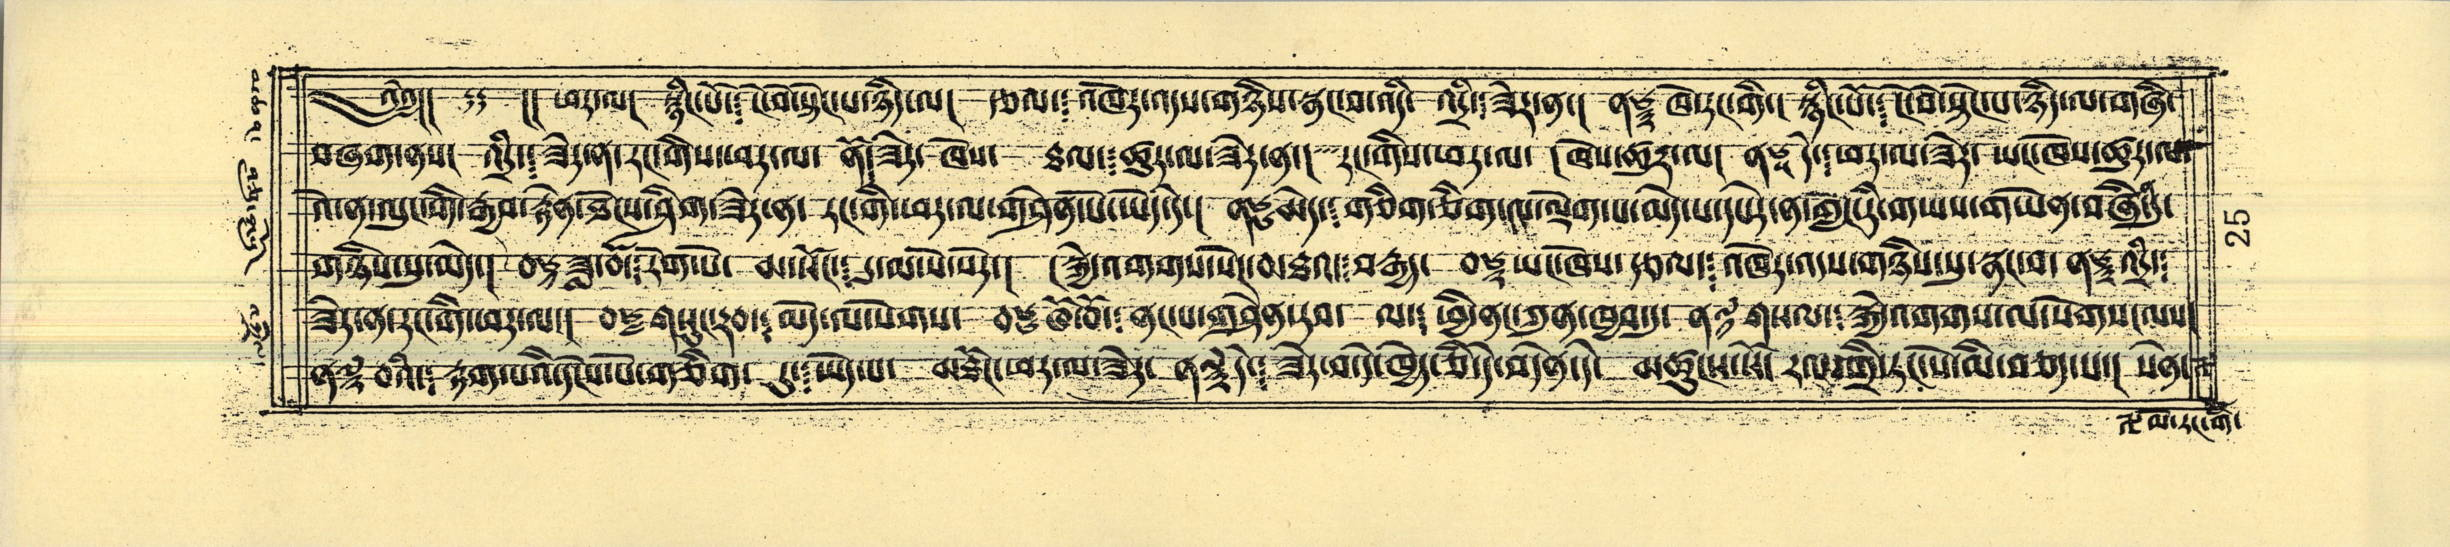ཕར་ལ་སྙིང་པོ༑ ངོ་བོ་སྟོང་པ་ཉིད་ལ། རྩལ༑ འཁོར་འདས་གཉིས་སྣང་བ་འདི། འདྲི་ཟེར་ན་ན༦།༣ ཁོ་རང་གི་སྙིང་པོ༑ ངོ་བོ་སྟོང་པ་ཉིད་ལ་གཞི་
བཞག་ནས། འདྲི༑ ཟེར་ན་རང་གི་ཕར་ལ་ནོ༑ ཟེར་ཁོས་ཐལ༑ ཚུར་ལ་ཟེར་ན། རང་གིས་ཕར་ལ་ཁོར་ཚུར་ལ། ན༦།༥ དེ༑ ཕར་ལ་ཟེར་ཡང་ཁོས་ཚུར་ལ་
འོ་ན་ལུང་འདི་རྒྱབ་རྟེན་ཐོངས་ཤིག་ཟེར་ན། རང་གི་ཕར་ལ་གཤེན་པོ་ཡོད་དེ། ན༦།༦ མེད༑ གཅིག་གཅིག་ལ་ལྡོག་ལ་མེད་པ་དཔེར་ན་གླང་རུ་གཡས་གཡོན་བཞིན་དུ་
གཉིས་སུ་མེད། བ༦།༡ རོག་པོ་མ་སོང་༑ དུ་མ་སོ་སོར༑ སྐྱེ་འགག་སོགས་མཐའ༑ བརྒྱད། བ༦།༢ ཡང་ཁོས་རྩལ༑ འཁོར་འདས་གཉིས་སུ་སྣང་བ༑ ༦།༣ འདྲི༑ 
ཟེར་ན་རང་གིས་ཕར་ལ། བ༦།༤ གསུང་རབ༑ མདོ་ལ་སོགས༑ བ༦།༦ ཁོ་བོ༑ ནང་པ་གཤེན་རབ་ལ༑ ཕྱི་ནང་ཀུན་ཁྱབ་ཏུ། ན༧།༡ གསལ། སྐྱེ་འགག་ལ་སོགས་ལས་
ན༧།༢ བའི་རྟག་པའི་དངོས་པོ་གཅིག དུ༑ ཡོད་པ། མཐོང་བར་ལ་ཟེར། ན༧།༣ དེ༑ ཟེར་བ་དེ་ཁྱེད་ཅི་དེ་བདེན་དེ། མཚུངས་སོ། རལ་གྲི་རང་སོ་མི་བཅད་པ། སེན་མོ་རང་གིས་